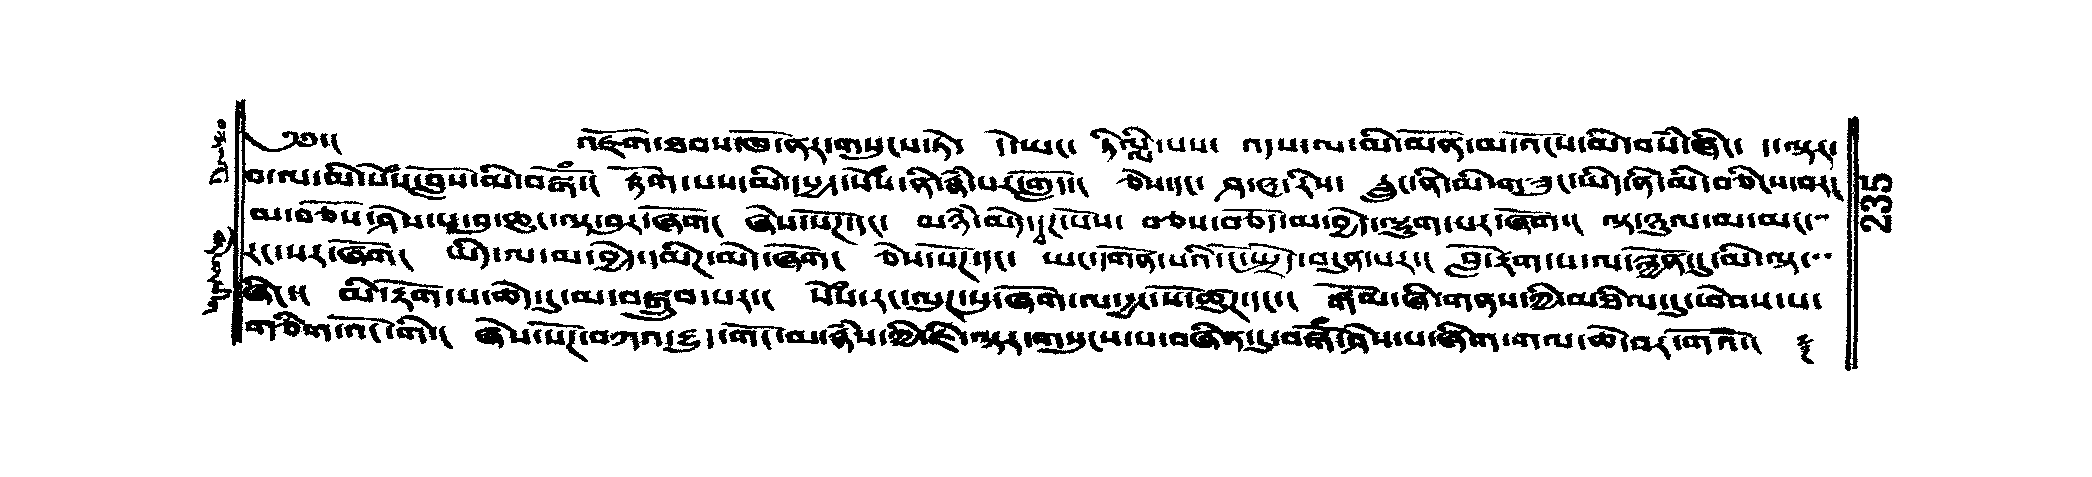འཇོག་ཐབས་ཁོ་ནར་གསུངས་ཏེ། དེ་ཡང་། ཏེལློ་པས། འདས་ལ་མི་མནོ་མ་འོངས་མི་བསམ་ཞིང་། །ད་ལྟར་
བ་ལ་མི་སེམས་བློས་མི་བསྒོམ། །རྟོག་པས་མི་དཔྱད་སེམས་ནི་རྣམ་པར་གློད། ཅེས་དང་། ཤ་ཝ་རིས། རླུང་ནི་མི་བཟུང་ཡིད་ནི་མི་བཅིངས་བར། །
མ་བཅོས་ཤེས་པ་བུ་ཆུང་ལྟ་བུར་ཞོགཅེས་སོགས་དང་། མཉམ་མེད་དྭགས་པོ་པས། བཅས་བཅོད་མ་བྱེད་ལྷུག་པར་ཞོག །ལྟ་ཉུལ་མ་མང་
རང་སར་ཞོག །ཡིད་ལ་མ་བྱེད་དམིགས་མེད་ཞོག ཅེས་སོགས་དང་། ཡང་དགོན་པའི་ངོ་སྤྲོད་བདུན་པར། བློ་རྟོག་པ་ལ་སྐྱོན་དུ་མི་ལྟ་
ཞིང་། །མི་རྟོག་པ་ཆེད་དུ་མ་བསྒྲུབ་པར། །སེམས་རང་ལུགས་སུ་ཞོག་ལ་རྒྱང་སོ་ཚུགས་དང་། །སྒོམ་ཞི་གནས་ཀྱི་མཐིལ་དུ་ཕེབས་པ་
གཅིག་འོང་གི ཞེས་སོགས་བཀའ་རྒྱུད་གོང་མ་རྣམས་ཀྱི་ཇི་ལྟར་གསུངས་པ་བཞིན་དུ་བསྒོམ་ཤེས་པ་ཞིག་གལ་ཆེ་བར་གོའོ། ༈